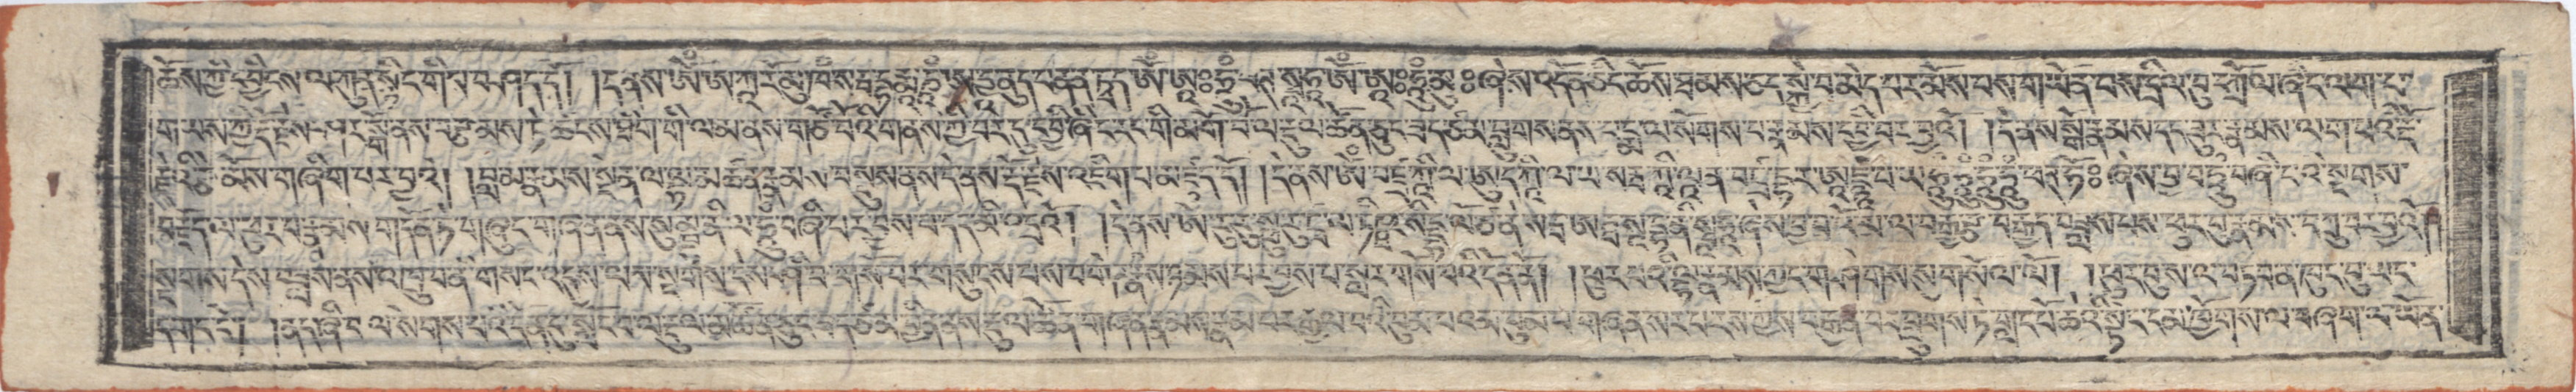ཆོས་ཀྱི་དབྱིངས་ལ་ཀུན་སྙིང་གིས་བཤད་དོ། །དེ་ནས་ཨོཾ་ཨ་ཀཱ་རོ་མུ་ཁཾ་སརྦ་དྷརྨའ་ཎཱཾ་ཨ་དྱཱ་ནུད་པན་ན་ཏྭད་ཨོཾ་ཨཱཿ ཧུའཾ་ཕཊ་སྭཱཧཱ་ཨོཾ་ཨཱཿ ཧཱུཾ་མུཿ ཞེས་འདོན་ཅིང་ཆོས་ཐམས་ཅད་སྐྱེ་བ་མེད་པར་མོས་པས་གཡོན་པས་དྲིལ་བུ་དཀྲོལ་ཞིང་ལག་པ་
གཡས་ཀྱི་རྡོ་རྗེས་ཤར་སྒོ་ནས་བརྩམས་ཏེ་ཚངས་ཐིག་གི་ལམ་ནས་གཙོ་བོའི་གནས་ཀྱི་བར་དུ་དབྱི་ཞིང་རང་གི་མགོ་བོ་ལ་རྡུལ་ཚོན་ཅུང་ཟད་ཙམ་བླུགས་ནས་པདམ་ལ་སོགས་པ་རྣམས་དབྱི་བར་བྱའོ། །དེ་ནས་སྒོ་རྣམས་དང་ཟུར་རྣམས་ལག་པའི་རྡོ་
རྗེའི་རྩེ་མོས་གཞིག་པར་བྱའོ། །བླ་མ་རྣམས་སྔོན་ལ་ལྷ་མཚན་རྣམས་བསྡུས་ནས་དེ་ནས་རྡོ་རྗེས་འཇིག་པ་མཛད་དོ། །དེ་ནས་ཨོཾ་བཛྲ་ཀཱི་ལ་ཨུད་ཀཱི་ལ་ཡ་སརྦ་ཀཱི་ལཱ་ན་བཛྲ་དྷར་ཨཱ་ཛྙཱ་པ་ཡ་ཧཱུཾ་ཧཱུཾ་ཧཱུཾ་ཧཱུཾ་ཕཊ་ཧོཿ ཞེས་བྱ་བ་ཧཱུཾ་བཞི་པའི་སྔགས་
བརྗོད་ལ་ཕུར་པ་རྣམས་གདོན་ཏེ་གཞུང་གཞན་ནས་སུ་མྦྷ་ནི་ལ་ཧཱུཾ་བཞི་པར་བྱས་པ་དད་མི་འདྲའོ། །དེ་ནས་ཨོཾ་རུ་རུ་སྥུ་རུ་ཛྭ་ལ་ཏིཥཊཿཨ་སིདྡྷ་ལོ་ཙ་ནེ་སརྦ་ཨརྠ་སཱ་དྷ་ནི་སྭཱཧཱ་ཞེས་བྱ་བའོ་མ་ལ་བརྒྱ་རྩ་བརྒྱད་བཟླས་པས་ཕུར་བུ་རྣམས་བཀྲུ་བར་བྱའོ།།
སྔགས་དེས་བཟླས་ནས་འཁྲུ་བ་ནི་གསང་འདུས་ལས་སྔགས་དེས་ཤི་བ་གསོ་བར་གསུངས་པས་བགེཌ་རྣམས་ཉམས་པར་བྱས་པ་སླར་གསོ་བའི་དོན་ནོ། །ཕུར་པའི་ལྷ་རྣམས་ཀྱང་གཤེགས་སུ་གསོལ་ལོ། །ཕུར་བུ་ས་ལ་བཏབ་ན་ཁུང་བུ་ཡང་
དགང་ངོ། །ནད་ཞི་བ་ལ་སོགས་པའི་དོན་དུ་སློང་བ་ལ་རྡུལ་མཚོན་ཅུང་ཟད་ཙམ་བྱིན་ནས་རྡུལ་ཚོན་གཞན་རྣམས་རྣམ་པར་རྒྱལ་བའི་བུམ་པའམ་བུམ་པ་གཞན་སར་པ་རས་ཀྱིས་བརྒྱན་བར་བླུགས་ཏེ་གླང་པོ་ཆེའི་སྟིང་དམ་ཁྱོགས་ལ་བཞག་ལ་ཡོ་